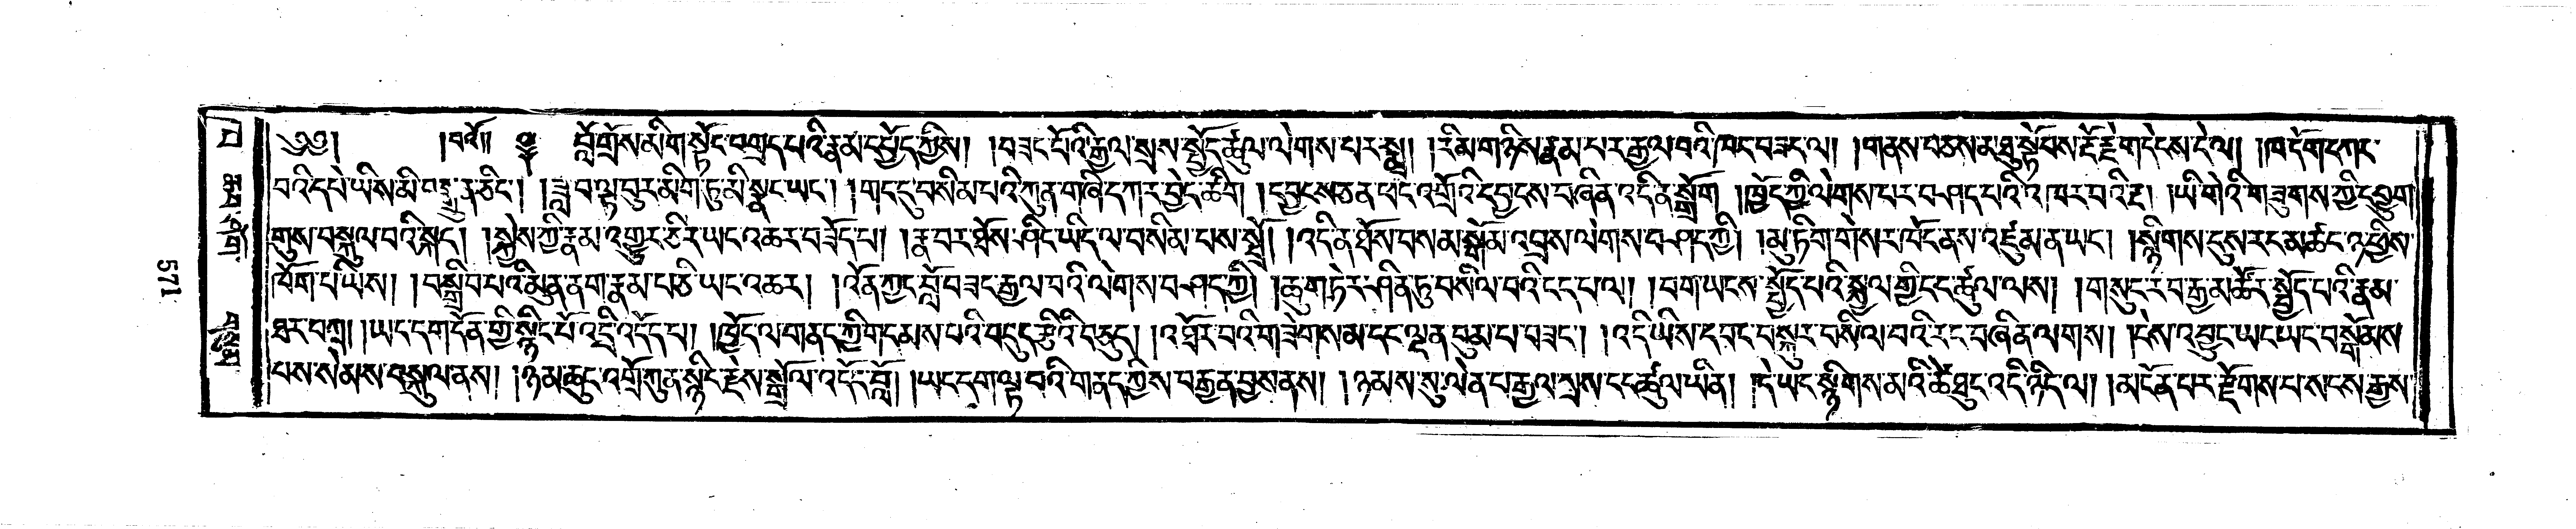༄༅། །བའོ།། ༈ བློ་གྲོས་མིག་སྟོང་བགྲད་པའི་རྣམ་དཔྱོད་ཀྱིས། །བཟང་པོའི་རྒྱལ་སྲས་སྦྱོད་ཚུལ་ལེགས་པར་སྨྲ། །རིམ་གཉིས་རྣམ་པར་རྒྱལ་བའི་ཁང་བཟང་ལ། །གནས་བཅས་མཐུ་སྟོབས་རྡོ་རྗེ་གདེངས་དེ་ལ། །ཁ་དོག་དཀར་
བའི་དཔེ་ཡིས་མི་བསྒྲུན་ཅིང་། །ཟླ་བ་ལྟ་བུར་མིག་ཏུ་མི་སྣང་ཡང་། །གང་དུ་བསིམ་བའི་ཀུན་གཞི་དཀར་བྱེད་ཚིག །དབྱངས་ཅན་ཕང་འགྲོའི་དབྱངས་བཞིན་འདི་ན་སྒྲོག །ཁྱོད་ཀྱི་ལེགས་པར་བཤད་པའི་འཁར་བའི་རྔ། །ཡི་གེའི་གཟུགས་ཀྱི་དབྱུག་
གུས་བསྐུལ་བའི་སྐང་། །སྐྱེས་ཀྱི་རྣམ་འགྱུར་ཅིར་ཡང་འཆར་བཟོད་པ། །རྣ་བར་ཐོས་ཤིང་ཡིད་ལ་བསིམ་བས་སྤྲོ། །འདི་ན་ཐོས་བསམ་སྒོམ་འབྲས་ལེགས་བཤད་ཀྱི། །མུ་ཏིག་གེ་སར་ཁོང་ནས་འཛུམ་ན་ཡང་། །སྙིགས་དུས་རང་མཚང་ཉ་ཕྱིས་
ཁོག་པ་ཡིས། །བསྒྲིབ་པའི་མུན་ནག་རྣམ་པ་ཅི་ཡང་འཆར། །འོན་ཀྱང་བློ་བཟང་རྒྱལ་བའི་ལེགས་བཤད་ཀྱི། །ཆུ་གཏེར་ཤིན་ཏུ་བསིལ་བའི་ངད་པ་ལ། །བག་ཡངས་སྤྱོད་པའི་སྐྱལ་གྱི་ངང་ཚུལ་ལས། །གསུང་རབ་རྒྱ་མཚོར་སྦྱོད་པའི་རྣམ་
ཐར་བཀྲ། །ཡང་དག་དོན་གྱི་སྙིང་པོ་འདྲི་འདོད་པ། །ཁྱོད་ལ་གནད་ཀྱི་གདམས་པའི་བདུད་རྩིའི་བཅུད། །འཐོར་བའི་གཟེགས་མ་དང་ལྡན་བུམ་པ་བཟང་། །འདི་ཡིས་དབང་བསྐུར་བསིལ་བའི་རང་བཞིན་ལགས། །ངེས་འབྱུང་ཡང་ཡང་བསྒོམས་
པས་སེམས་བསྐུལ་ནས། །ཉམ་ཆུང་འགྲོ་ཀུན་སྙིང་རྗེས་སྒྲོལ་འདོད་བློ། །ཡང་དག་ལྟ་བའི་གནད་ཀྱིས་བརྒྱན་བྱས་ནས། །ཉམས་སུ་ལེན་པ་རྒྱལ་སྲས་ངང་ཚུལ་ཡིན། །དེ་ཡང་སྙིགས་མའི་ཚེ་ཐུང་འདི་ཉིད་ལ། །མངོན་པར་རྫོགས་པ་སངས་རྒྱས་